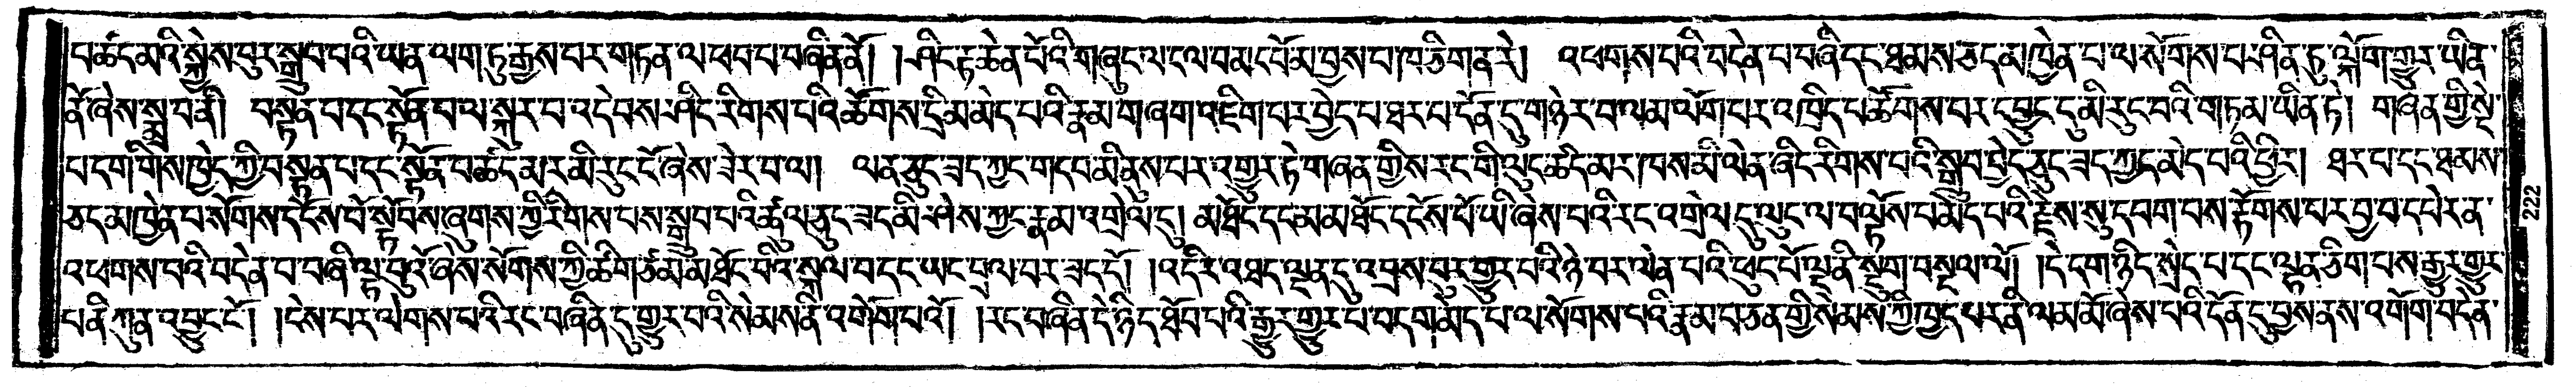པ་ཚད་མའི་སྐྱེས་བུར་སྒྲུབ་པའི་ཡན་ལག་ཏུ་རྒྱས་པར་གཏན་ལ་ཕབ་པ་བཞིན་ནོ། །ཤིང་རྟ་ཆེན་པོའི་གཞུང་ལ་ངལ་བ་མང་པོ་མ་བྱས་པ་ཁ་ཅིག་ན་རེ། འཕགས་པའི་བདེན་པ་བཞི་དང་ཐམས་ཅད་མཁྱེན་པ་ལ་སོགས་པ་ཤིན་ཏུ་ལྐོག་གྱུར་ཡིན་
ནོ་ཞེས་སྨྲ་བ་ནི། བསྟན་པ་དང་སྟོན་པ་ལ་སྐུར་བ་འདེབས་ཤིང་རིགས་པའི་ཚོགས་དྲི་མ་མེད་པའི་རྣམ་གཞག་འཇིག་པར་བྱེད་པ་ཐར་པ་དོན་དུ་གཉེར་བ་ལམ་ལོག་པར་འཁྲིད་པ་ཚོགས་པར་དབྱུང་དུ་མི་རུང་བའི་གཏམ་ཡིན་ཏེ། གཞན་གྱི་སྡེ་
པ་དག་གིས་ཁྱེད་ཀྱི་བསྟན་པ་དང་སྟོན་པ་ཚད་མར་མི་རུང་ངོ་ཞེས་ཟེར་བ་ལ། ལན་ཅུང་ཟད་ཀྱང་གདབ་མི་ནུས་པར་འགྱུར་ཏེ་གཞན་གྱིས་རང་གི་ལུང་ཚད་མར་ཁས་མི་ལེན་ཞིང་རིགས་པའི་སྒྲུབ་བྱེད་ཅུང་ཟད་ཀྱང་མེད་པའི་ཕྱིར། ཐར་པ་དང་ཐམས་
ཅད་མཁྱེན་པ་སོགས་དངོས་པོ་སྟོབས་ཞུགས་ཀྱི་རིགས་པས་སྒྲུབ་པའི་ཚུལ་ཅུང་ཟད་མི་ཤེས་ཀྱང་རྣམ་འགྲེལ་དུ། མཐོང་དང་མ་མཐོང་དངོས་པོ་ཡི་ཞེས་པའི་རང་འགྲེལ་དུ་ལུང་ལ་བལྟོས་པ་མེད་པའི་རྗེས་སུ་དཔག་པས་རྟོགས་པར་བྱ་བ་དཔེར་ན་
འཕགས་པའི་བདེན་པ་བཞི་ལྟ་བུའོ་ཞེས་སོགས་ཀྱི་ཚིག་ཙམ་མཐོང་བའི་སྐལ་པ་དང་ཡང་བྲལ་བར་ཟད་དོ། །འདིར་འཐད་ལྡན་དུ་འབྲས་བུར་གྱུར་བའི་ཉེ་བར་ལེན་པའི་ཕུང་པོ་ལྔ་ནི་སྡུག་བསྔལ་ལོ། །དེ་དག་ཉིད་སྲེད་པ་དང་ལྷན་ཅིག་པས་རྒྱུར་གྱུར་
པ་ནི་ཀུན་འབྱུང་ངོ། །ངེས་པར་ལེགས་པའི་རང་བཞིན་དུ་གྱུར་པའི་སེམས་ནི་འགོག་པའོ། །རང་བཞིན་དེ་ཉིད་ཐོབ་པའི་རྒྱུར་གྱུར་པ་བདག་མེད་པ་ལ་སོགས་པའི་རྣམ་པ་ཅན་གྱི་སེམས་ཀྱི་ཁྱད་པར་ནི་ལམ་མོ་ཞེས་པའི་དོན་དུ་བྱས་ནས་འགོག་བདེན་